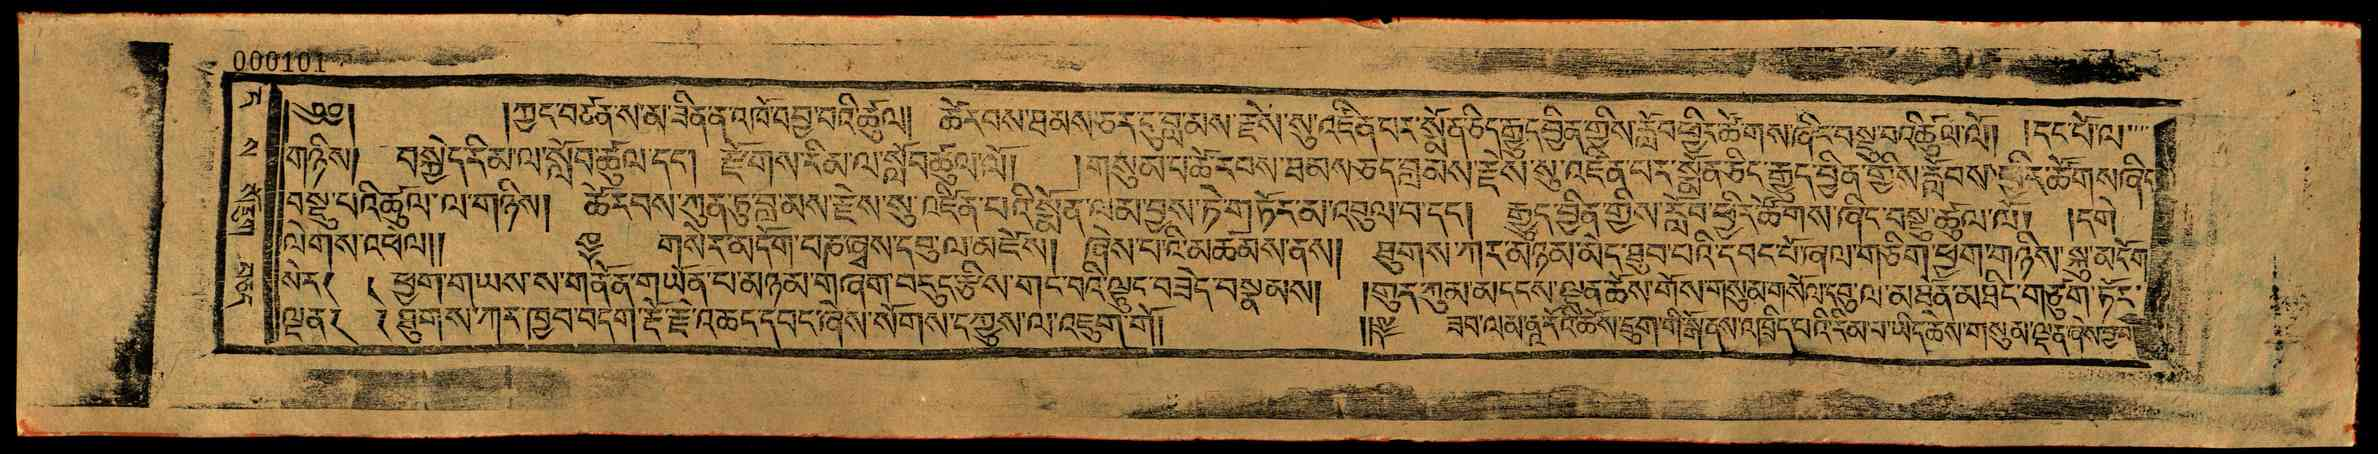༄༅། །ཀྱང་བཙན་ས་མ་ཟིན་ན་འཕོ་བ་བྱ་བའི་ཚུལ། ཚེ་རབས་ཐམས་ཅད་དུ་བླ་མས་རྗེས་སུ་འཛིན་པར་སྨོན་ཅིད་རྒྱུད་བྱིན་གྱིས་རློབ་ཕྱིར་ཚོགས་ཞིང་བསྡུ་བའི་ཚུལ་ལོ། །དང་པོ་ལ་
གཉིས། བསྐྱེད་རིམ་ལ་སློབ་ཚུལ་དང་། རྫོགས་རིམ་ལ་སློབ་ཚུལ་ལོ། །གསུམ་པ་ཚེ་རབས་ཐམས་ཅད་བླ་མས་རྗེས་སུ་འཛིན་པར་སྨོན་ཅིང་རྒྱུད་བྱིན་གྱིས་རློབ་ཕྱིར་ཚོགས་ཞིང་
བསྡུ་བའི་ཚུལ་ལ་གཉིས། ཚེ་རབས་ཀུན་ཏུ་བླ་མས་རྗེས་སུ་འཛིན་པའི་སྨོན་ལམ་བྱས་ཏེ་གཏོར་མ་འབུལ་བ་དང་། རྒྱུད་བྱིན་གྱིས་རློབ་ཕྱིར་ཚོགས་ཞིང་བསྡུ་ཚུལ་ལོ། །དགེ་
ལེགས་འཕེལ།། ༈ གསེར་མདོག་པཎ་ཞྭས་དབུ་ལ་མཛེས། ཞེས་པའི་མཚམས་ནས། ཐུགས་ཀར་མཉམ་མེད་ཐུབ་པའི་དབང་པོ་ཞལ་གཅིག་ཕྱག་གཉིས་སྐུ་མདོག་
སེར༑ ༑ཕྱག་གཡས་ས་གནོན་གཡོན་པ་མཉམ་གཞག་བདུད་རྩིས་གང་བའི་ལྷུང་བཟེད་བསྣམས། །གུར་ཀུམ་མདངས་ལྡན་ཆོས་གོས་གསུམ་གསོལ་དབུ་ལ་མཐོན་མཐིང་གཙུག་ཏོར་
ལྡན༑ ༑ཐུགས་ཀར་ཁྱབ་བདག་རྡོ་རྗེ་འཆང་དབང་ཞེས་སོགས་དཀྱུས་ལ་འཇུག་གོ། །།